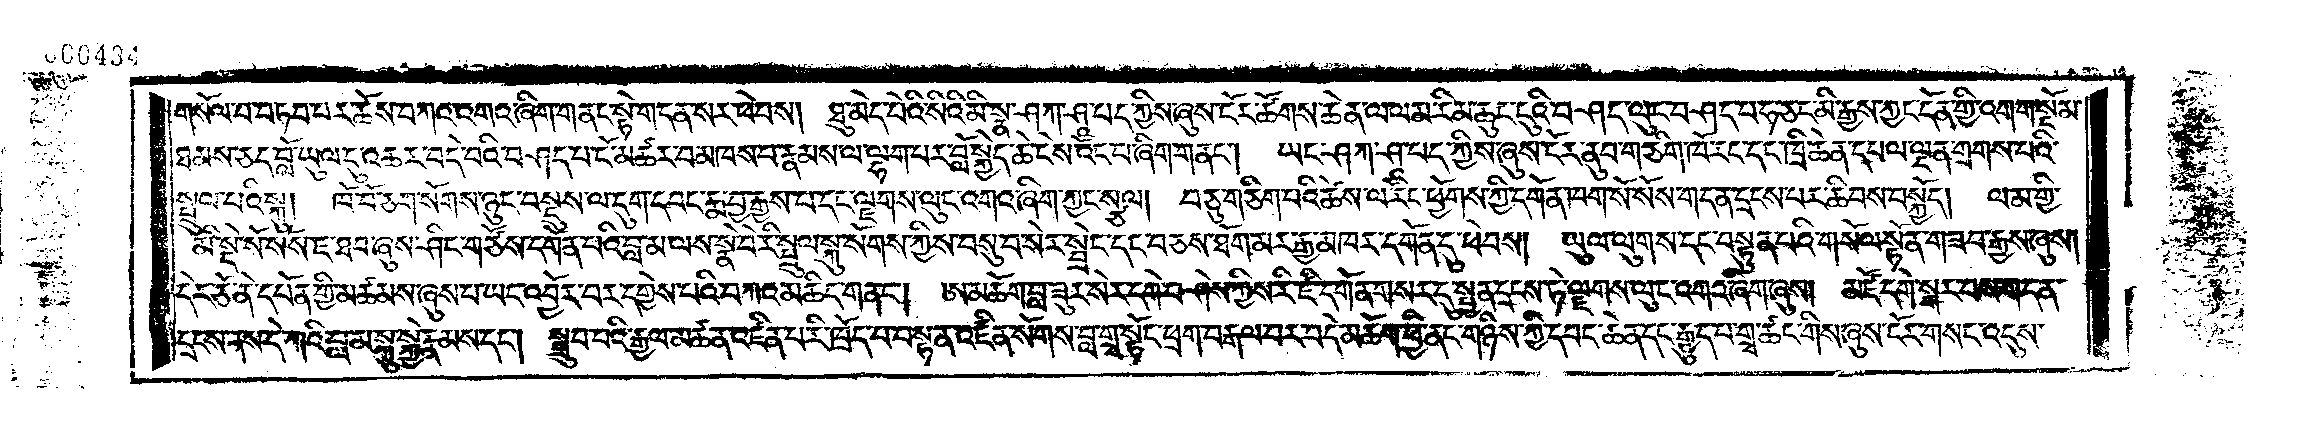གསོལ་བ་བཏབ་པར་ཆོས་བཀའ་འགའ་ཞིག་གནང་སྟེ་གདན་སར་ཕེབས། ཐུ་མེད་པེའི་སིའི་མི་སྣ་ཤཀ་ཤཱ་པད་ཀྱིས་ཞུས་ངོར་ཚོགས་ཆེན་ལ་ལམ་རིམ་ཆུང་ངུའི་བཤད་ལུང་བཤད་པ་ཧ་ཅང་མི་རྒྱས་ཀྱང་དོན་གྱི་འགག་སྔོ་མ་
ཐམས་ཅད་བློ་ཡུལ་དུ་འཆར་བདེ་བའི་བཤད་པ་ངོ་མཚར་བ་མཁས་པ་རྣམས་ལ་ལྷག་པར་བློ་སྐྱེད་ཆེ་ངེས་འོང་བ་ཞིག་གནང་། ཡང་ཤཀ་ཤཱ་པད་ཀྱིས་ཞུས་ངོར་ནུབ་གཅིག་ཁོ་རང་དང་ཁྲི་ཆེན་དཔལ་ལྡན་གྲགས་པའི་
སྤྲུལ་པའི་སྐུ། ཁོ་བོ་ཅག་སོགས་ཉུང་བསྡུས་ལ་དུག་དབང་རྨ་བྱ་རྒྱས་པ་དང་ལྗགས་ལུང་འགའ་ཞིག་ཀྱང་སྩལ། བཅུ་གཅིག་བའི་ཚེས་ལ་རེང་ཕྱོགས་ཀྱི་དགོན་ཁག་སོ་སོས་གདན་དྲངས་པར་ཆིབས་བསྐྱོད། ལམ་གྱི་
མི་སྡེ་སོ་སོས་ཇ་ཐབ་ཞུས་ཤིང་གཙོས་དགོན་པའི་བླ་མ་ལས་སྣེ་བེ་རི་སྤྲུལ་སྐུ་སོགས་ཀྱིས་བསུ་བ་སེར་སྦྲེང་དང་བཅས་ཐོག་མར་རྒྱ་མཁར་དགོན་དུ་ཕེབས། ཡུལ་ལུགས་དང་བསྟུན་པའི་གསོལ་སྟོན་གཟབ་རྒྱས་ཞུས།
དེར་ཅོ་ནེ་དཔོན་གྱི་མཚམས་ཞུས་པ་ཡང་འབྱོར་བར་དགྱེས་པའི་བཀའ་མཆིད་གནང་། ཨ་མཆོག་བླ་ཟུར་སེར་དགེ་བཤེས་ཀྱིས་རི་ཛི་དགོན་གསར་དུ་སྤྱན་དྲངས་ཏེ་ལྗགས་ལུང་འགའ་ཞིག་ཞུས། མཛོ་དགེ་སྒར་བས་གདན་
དྲངས་ནས་དེ་ཀའི་བླ་མ་སྐུ་སྐྱེ་རྣམས་དང་། སྒྲུབ་བའི་རྒྱལ་མཚན་འཛིན་པ་རི་ཁྲོད་པ་བསྟན་འཛིན་སོགས་བླ་གྲྭ་སྟོང་ཕྲག་བརྒལ་བར་བདེ་མཆོག་ཕྱི་ནང་གཉིས་ཀྱི་དབང་ཆེན་དང་རྒྱུད་པ་གྲྭ་ཚང་གིས་ཞུས་ངོར་གསང་འདུས་